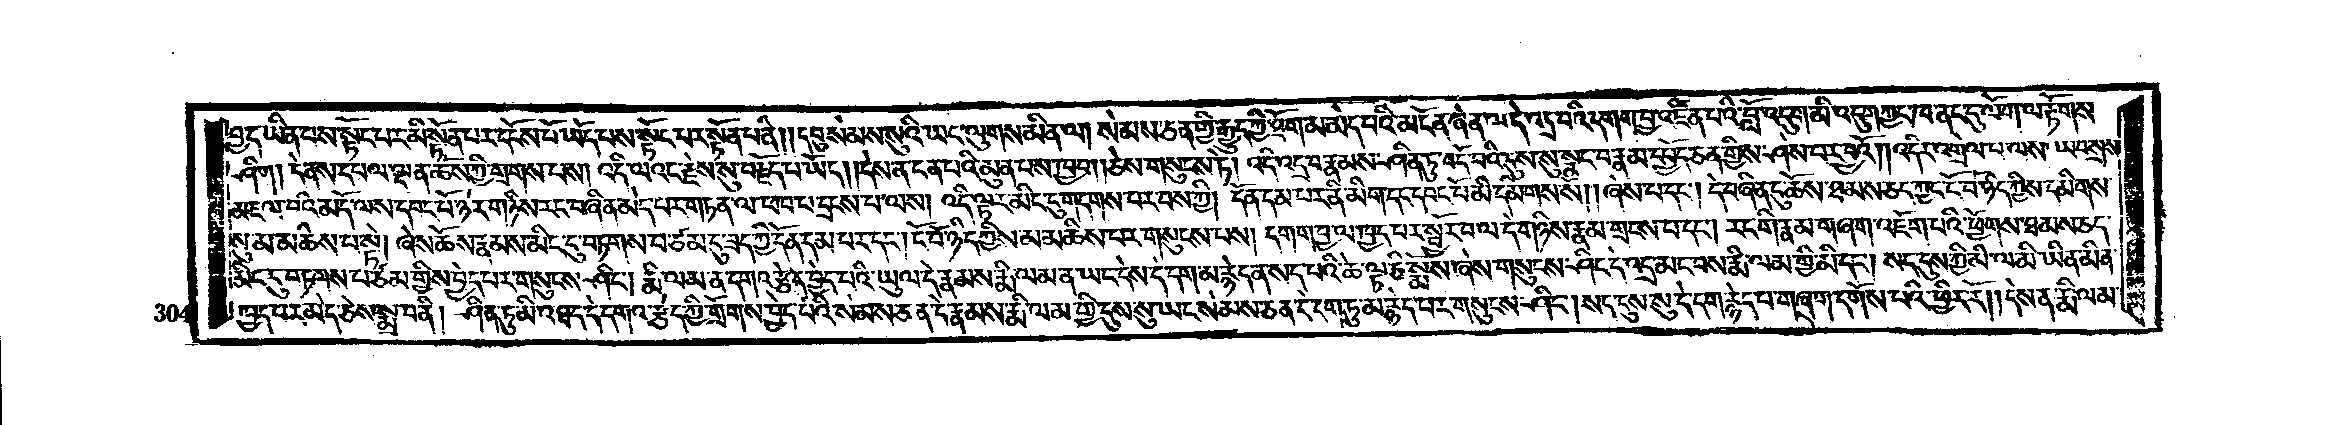བྱད་ཡིན་པས་སྟོང་པར་མི་སྟོན་པར་དངོས་པོ་ཡོད་པས་སྟོང་པར་སྟོན་པ་ནི། །དབུ་སེམས་སུའི་ཡང་ལུགས་མིན་ལ། སེམས་ཅན་གྱི་རྒྱུད་ཀྱི་ཐོག་མ་མེད་པའི་མངོན་ཞེན་ལ་དེ་འདྲ་བའི་དགག་བྱ་འཛིན་པའི་བློ་འདུག་མི་འདུག་ཀྱང་ཁ་ནང་དུ་ལོག་ལ་རྟོགས་
ཤིག །དེ་ནས་དཔལ་ལྡན་ཆོས་ཀྱི་གྲགས་པས། འདི་ལའང་རྗེས་སུ་བརྗོད་པ་ཡོད། །དེས་ན་ངན་པའི་མུན་པས་ཁྱབ། །ཅེས་གསུངས་ཏེ། འདི་འདྲ་བ་རྣམས་ཤིན་ཏུ་བདོ་བའི་དུས་སུ་སྣང་བ་རྣམ་དཔྱོད་ཅན་གྱིས་ཤེས་པར་བྱའོ། །འདིར་འགྲེལ་པ་ལས། ཡབ་སྲས་
མཇལ་བའི་མདོ་ལས་དབང་པོ་ཉེར་གཉིས་རང་བཞིན་མེད་པར་གཏན་ལ་ཕབ་པ་དྲངས་པ་ལས། འདི་ལྟར་མིང་དུ་གདགས་པར་བས་ཀྱི། དོན་དམ་པར་ནི་མིག་དང་དབང་པོ་མི་དམིགས་སོ། །ཞེས་པ་དང་། དེ་བཞིན་དུ་ཆོས་ཐམས་ཅད་ཀྱང་ངོ་བོ་ཉིད་ཀྱིས་དམིགས་
སུ་མ་མཆིས་པ་སྟེ། ཞེས་ཆོས་རྣམས་མིང་དུ་བཏགས་པ་ཙམ་དུ་ཟད་ཀྱི་དོན་དམ་པར་དང་། ངོ་བོ་ཉིད་ཀྱིས་མ་མཆིས་པར་གསུངས་པས། དགག་བྱ་ལ་ཁྱད་པར་སྦྱོར་བ་ལ་དེ་གཉིས་རྣམ་གྲངས་པ་དང་། རང་གི་རྣམ་གཞག་འཇོག་པའི་ཕྱོགས་ཐམས་ཅད་
མིང་དུ་བཏགས་པ་ཙམ་གྱིས་བྱེད་པར་གསུངས་ཤིང་། རྨི་ལམ་ན་དགའ་རྩེད་བྱེད་པའི་ཡུལ་དེ་རྣམས་རྨི་ལམ་ན་ཡང་དེས་དེ་དག་མ་རྙེད་ན་སད་པའི་ཚེ་ལྟ་ཅི་སྨོས་ཞེས་གསུངས་ཤིང་དེ་འདྲ་མང་བས་རྨི་ལམ་གྱི་མི་དང་། སད་དུས་ཀྱི་མི་ལ་མི་ཡིན་མིན་
ཁྱད་པར་མེད་ཅེས་སྨྲ་བ་ནི། ཤིན་ཏུ་མི་འཐད་དེ་དགའ་རྩེད་ཀྱི་གྲོགས་བྱེད་པའི་སེམས་ཅན་དེ་རྣམས་རྨི་ལམ་གྱི་དུས་སུ་ཡང་སེམས་ཅན་དེ་དག་ཏུ་མ་རྙེད་པར་གསུངས་ཤིང་། སད་དུས་སུ་དེ་དག་རྙེད་པ་གཞག་དགོས་པའི་ཕྱིར་རོ། །དེས་ན་རྨི་ལམ་